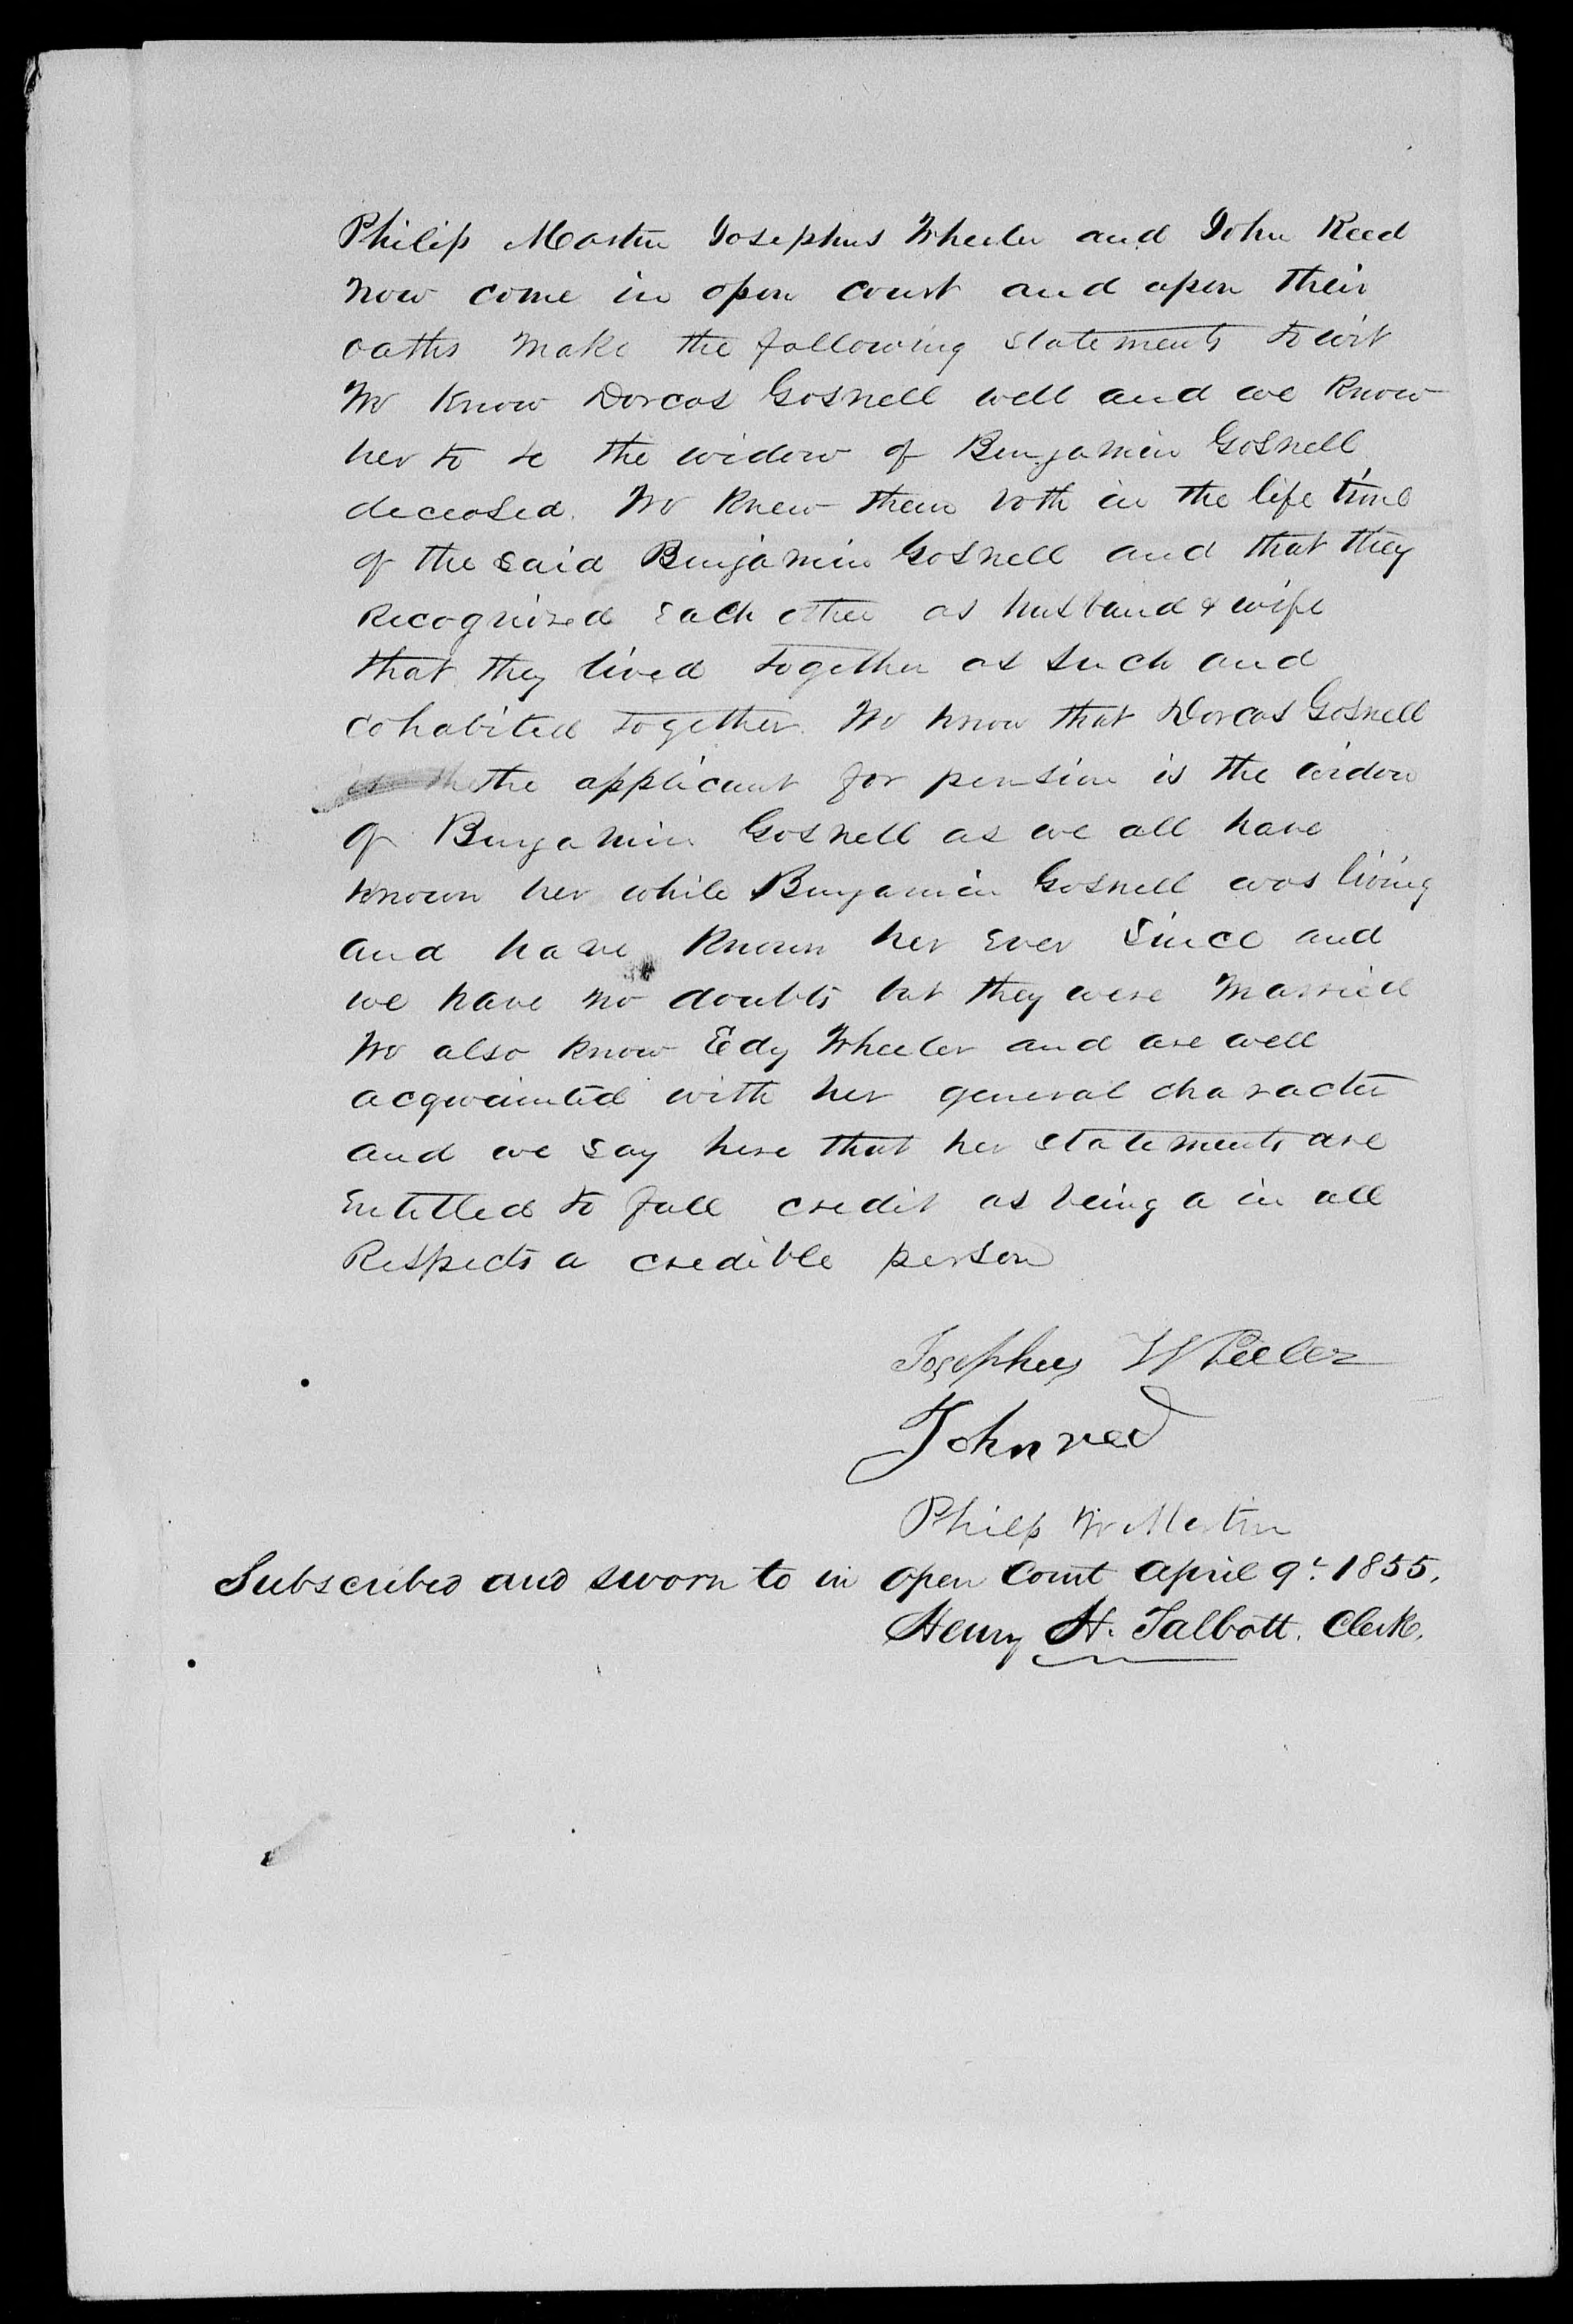Philip Martin Josephus Wheeler and John Reed now come in open court and apen [after] their oaths make following statements to wit
We know Dorcas Gosnell well and we know her to be the widow of Benjamin Gosnell deceased. We knew them with in the life time of the said Benjamin Gosnell and that they recognized each other as husband & wife that they lived together as such and cohabited together. We know that Dorcas Gosnell is the applicant for pension is the widow of Benjamin Gosnell as we all have known her while Benjamin Gosnell was living and have known er ever since and we have no doubts but they were married We also know Edy Wheeler and are well acquainted with her general character and we say here that her statements are entitled to full credit as being a[nd] in all Respects a credible person
Josephus Wheeler
John reed
Philip W Martin
Subscribed and sworn to in open court April 9' 1855,
Henry H Talbott, Clerk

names: Benjamin Gosnell, John Red, Henry H Talbott, Benjamin Gosnell, Josephus Wheeler, Philp W Martin, Edy Wheeler, Dorcas Gosnell, Philip Martin, Benjamin Gosnell, John Reed, Dorcas Gosnell, Josephus Wheeler, Benjamin Gosnell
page: 29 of 39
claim: widow's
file: W. 11060, Benjamin Gosnell, Va.